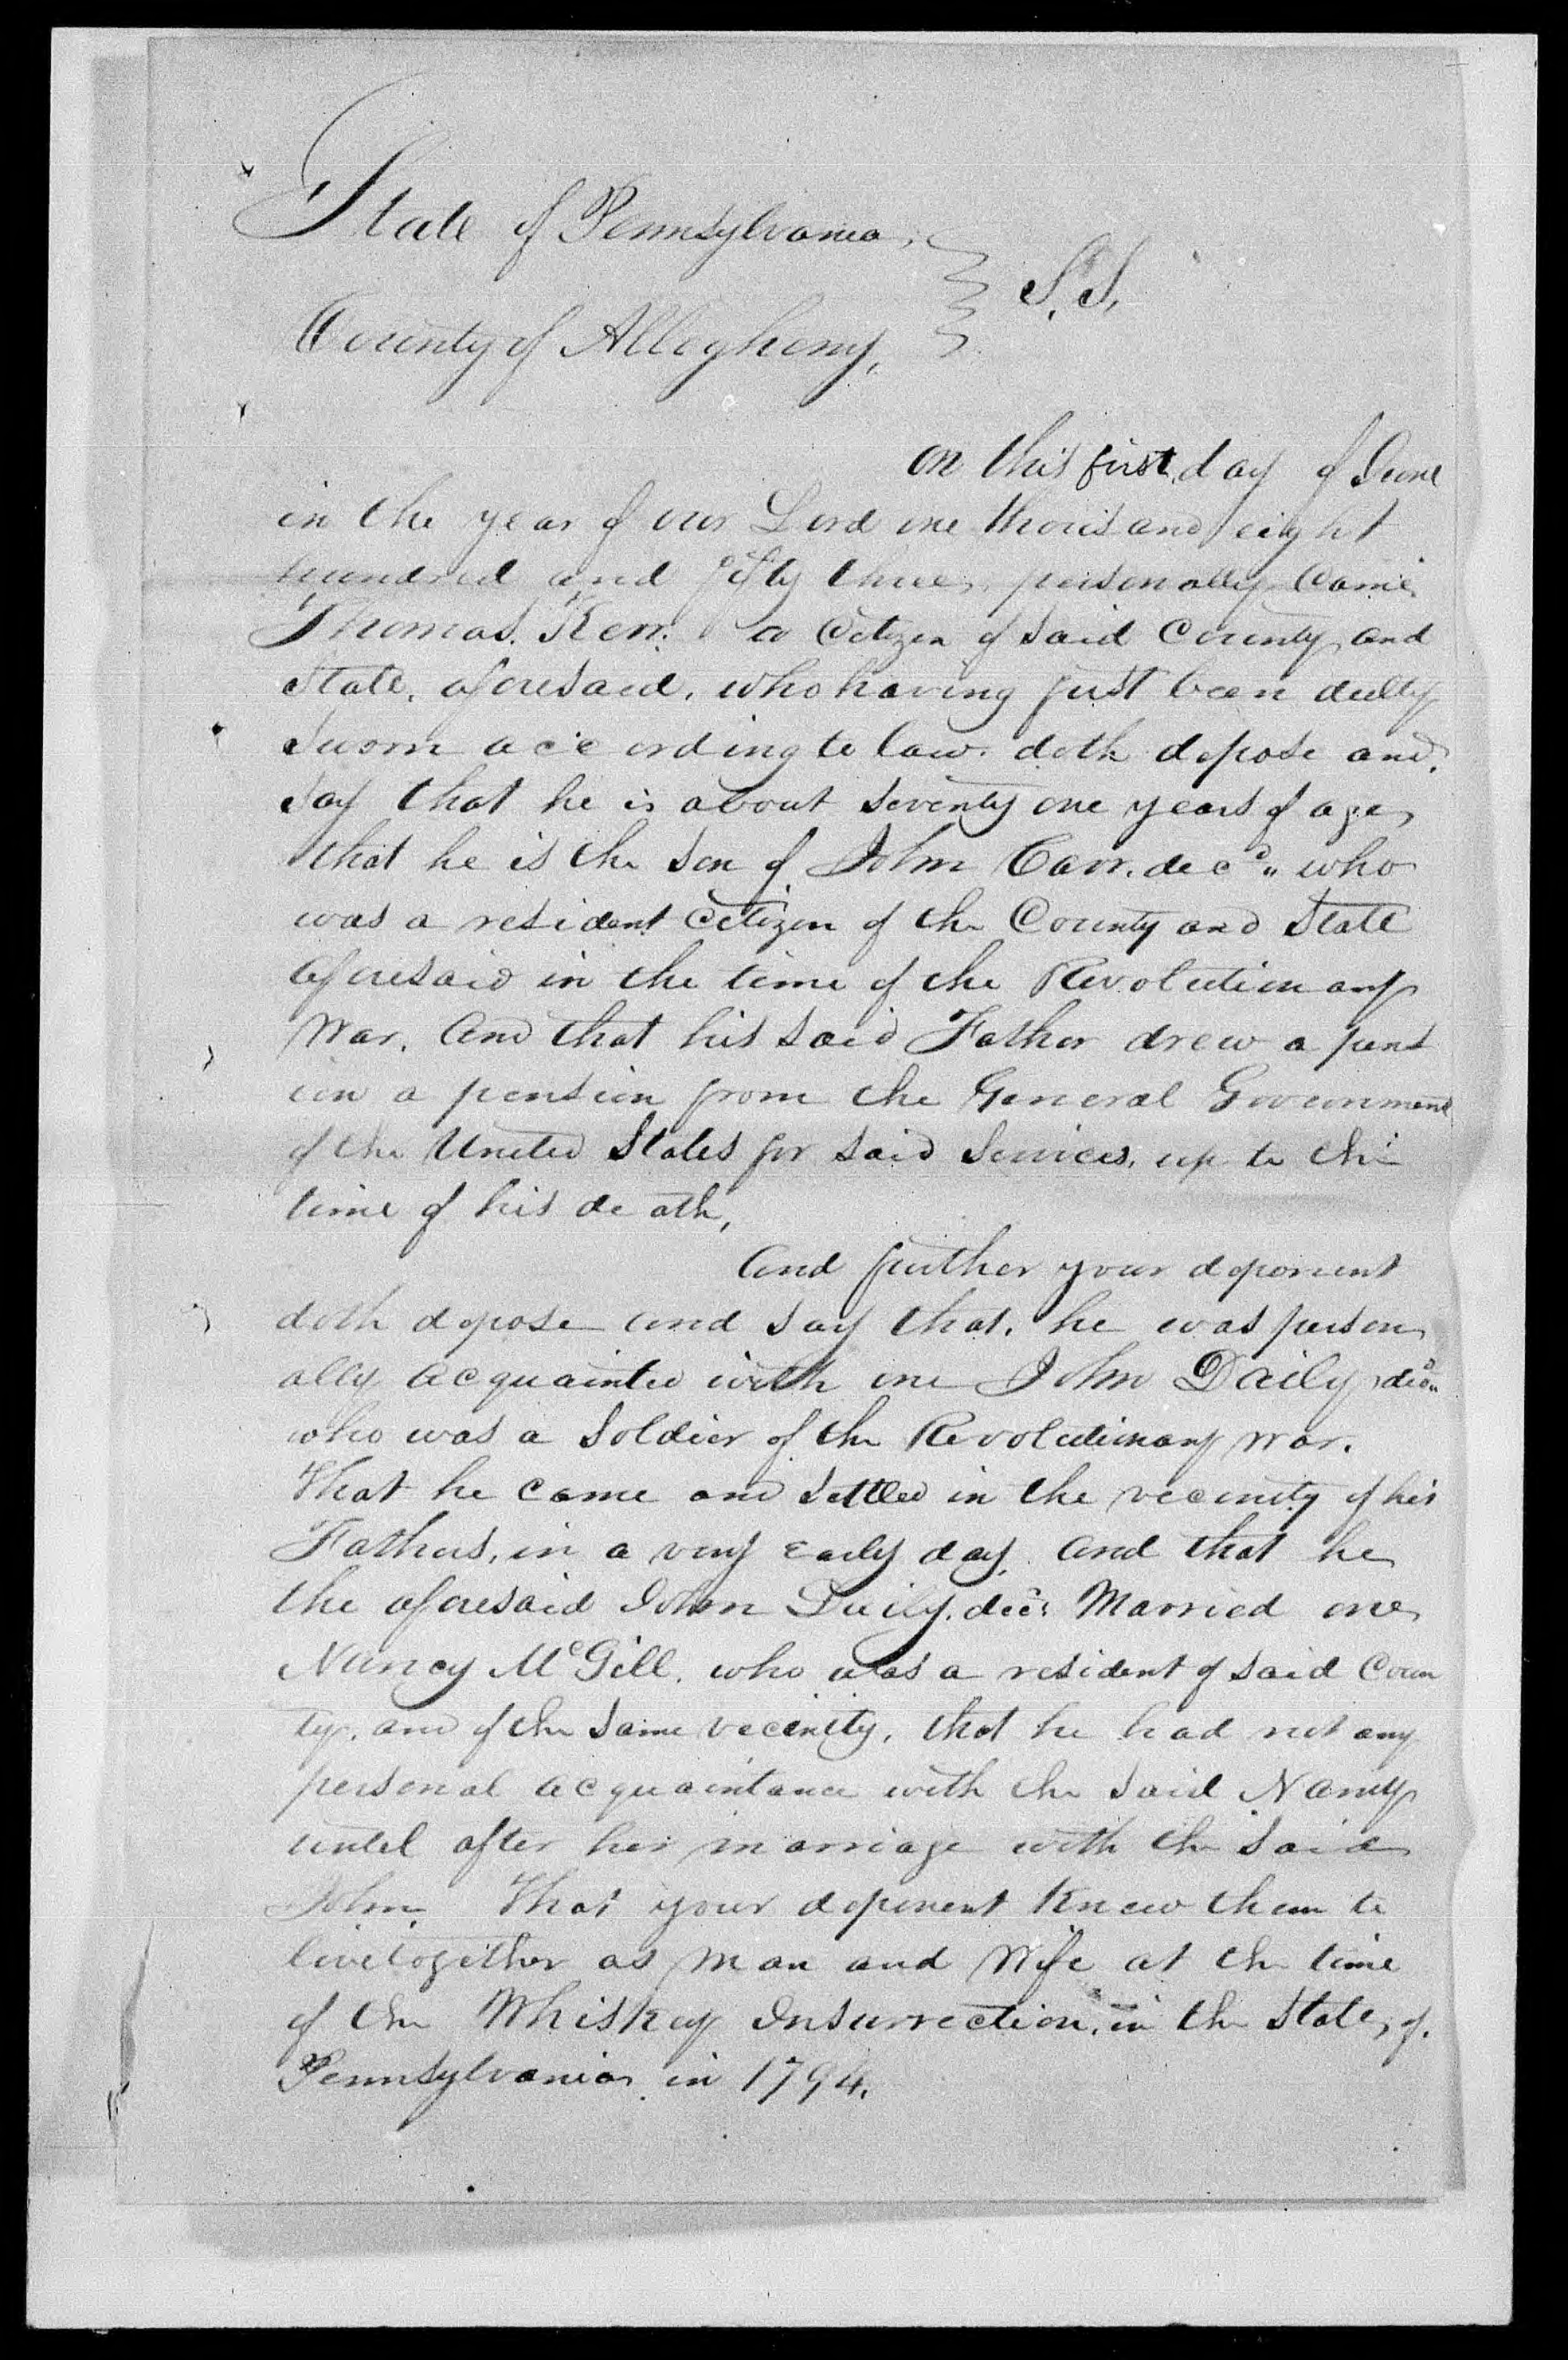State of Pennsylvania
County of Allegheny
S.S.

On this first day of June in the year of our Lord one thousand and eight hundred and fifty three, personally came Thomas Kerr, a citizen of said county and state, aforesaid, who having first been dully sworn according to law, doth depose and say that he is about seventy one years of age that he is the Son of John Carr, dec. who was a resident citizen of the County and State aforesaid in the time of the Revolutionary War, and that his said Father drew a fund in a pension from the General Government of the United States for said Services, up to the time of his death.
And further your deponent doth depose, and say that, he was personally acquainted with one John Daily who was a Soldier of the Revolutionary War. What he came and settled in the vicinity of his fathers in a very early day and that he the aforesaid John Daily dec married one Nancy McGill who was a resident of said county, and of the same vicinity, that he had not any personal acquaintance with the said namely until after her marriage with the said John That your deponent knew them to live together as man and wife at the time of the Whiskey Insurrection in the State of Pennsylvania in 1794.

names: Thomas Kerr, John Daily, John Daily, John, Nancy Mc Gill, Nancy, John Carr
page: 22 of 63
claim: widow's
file: W. 3228, John Daly, Penn.